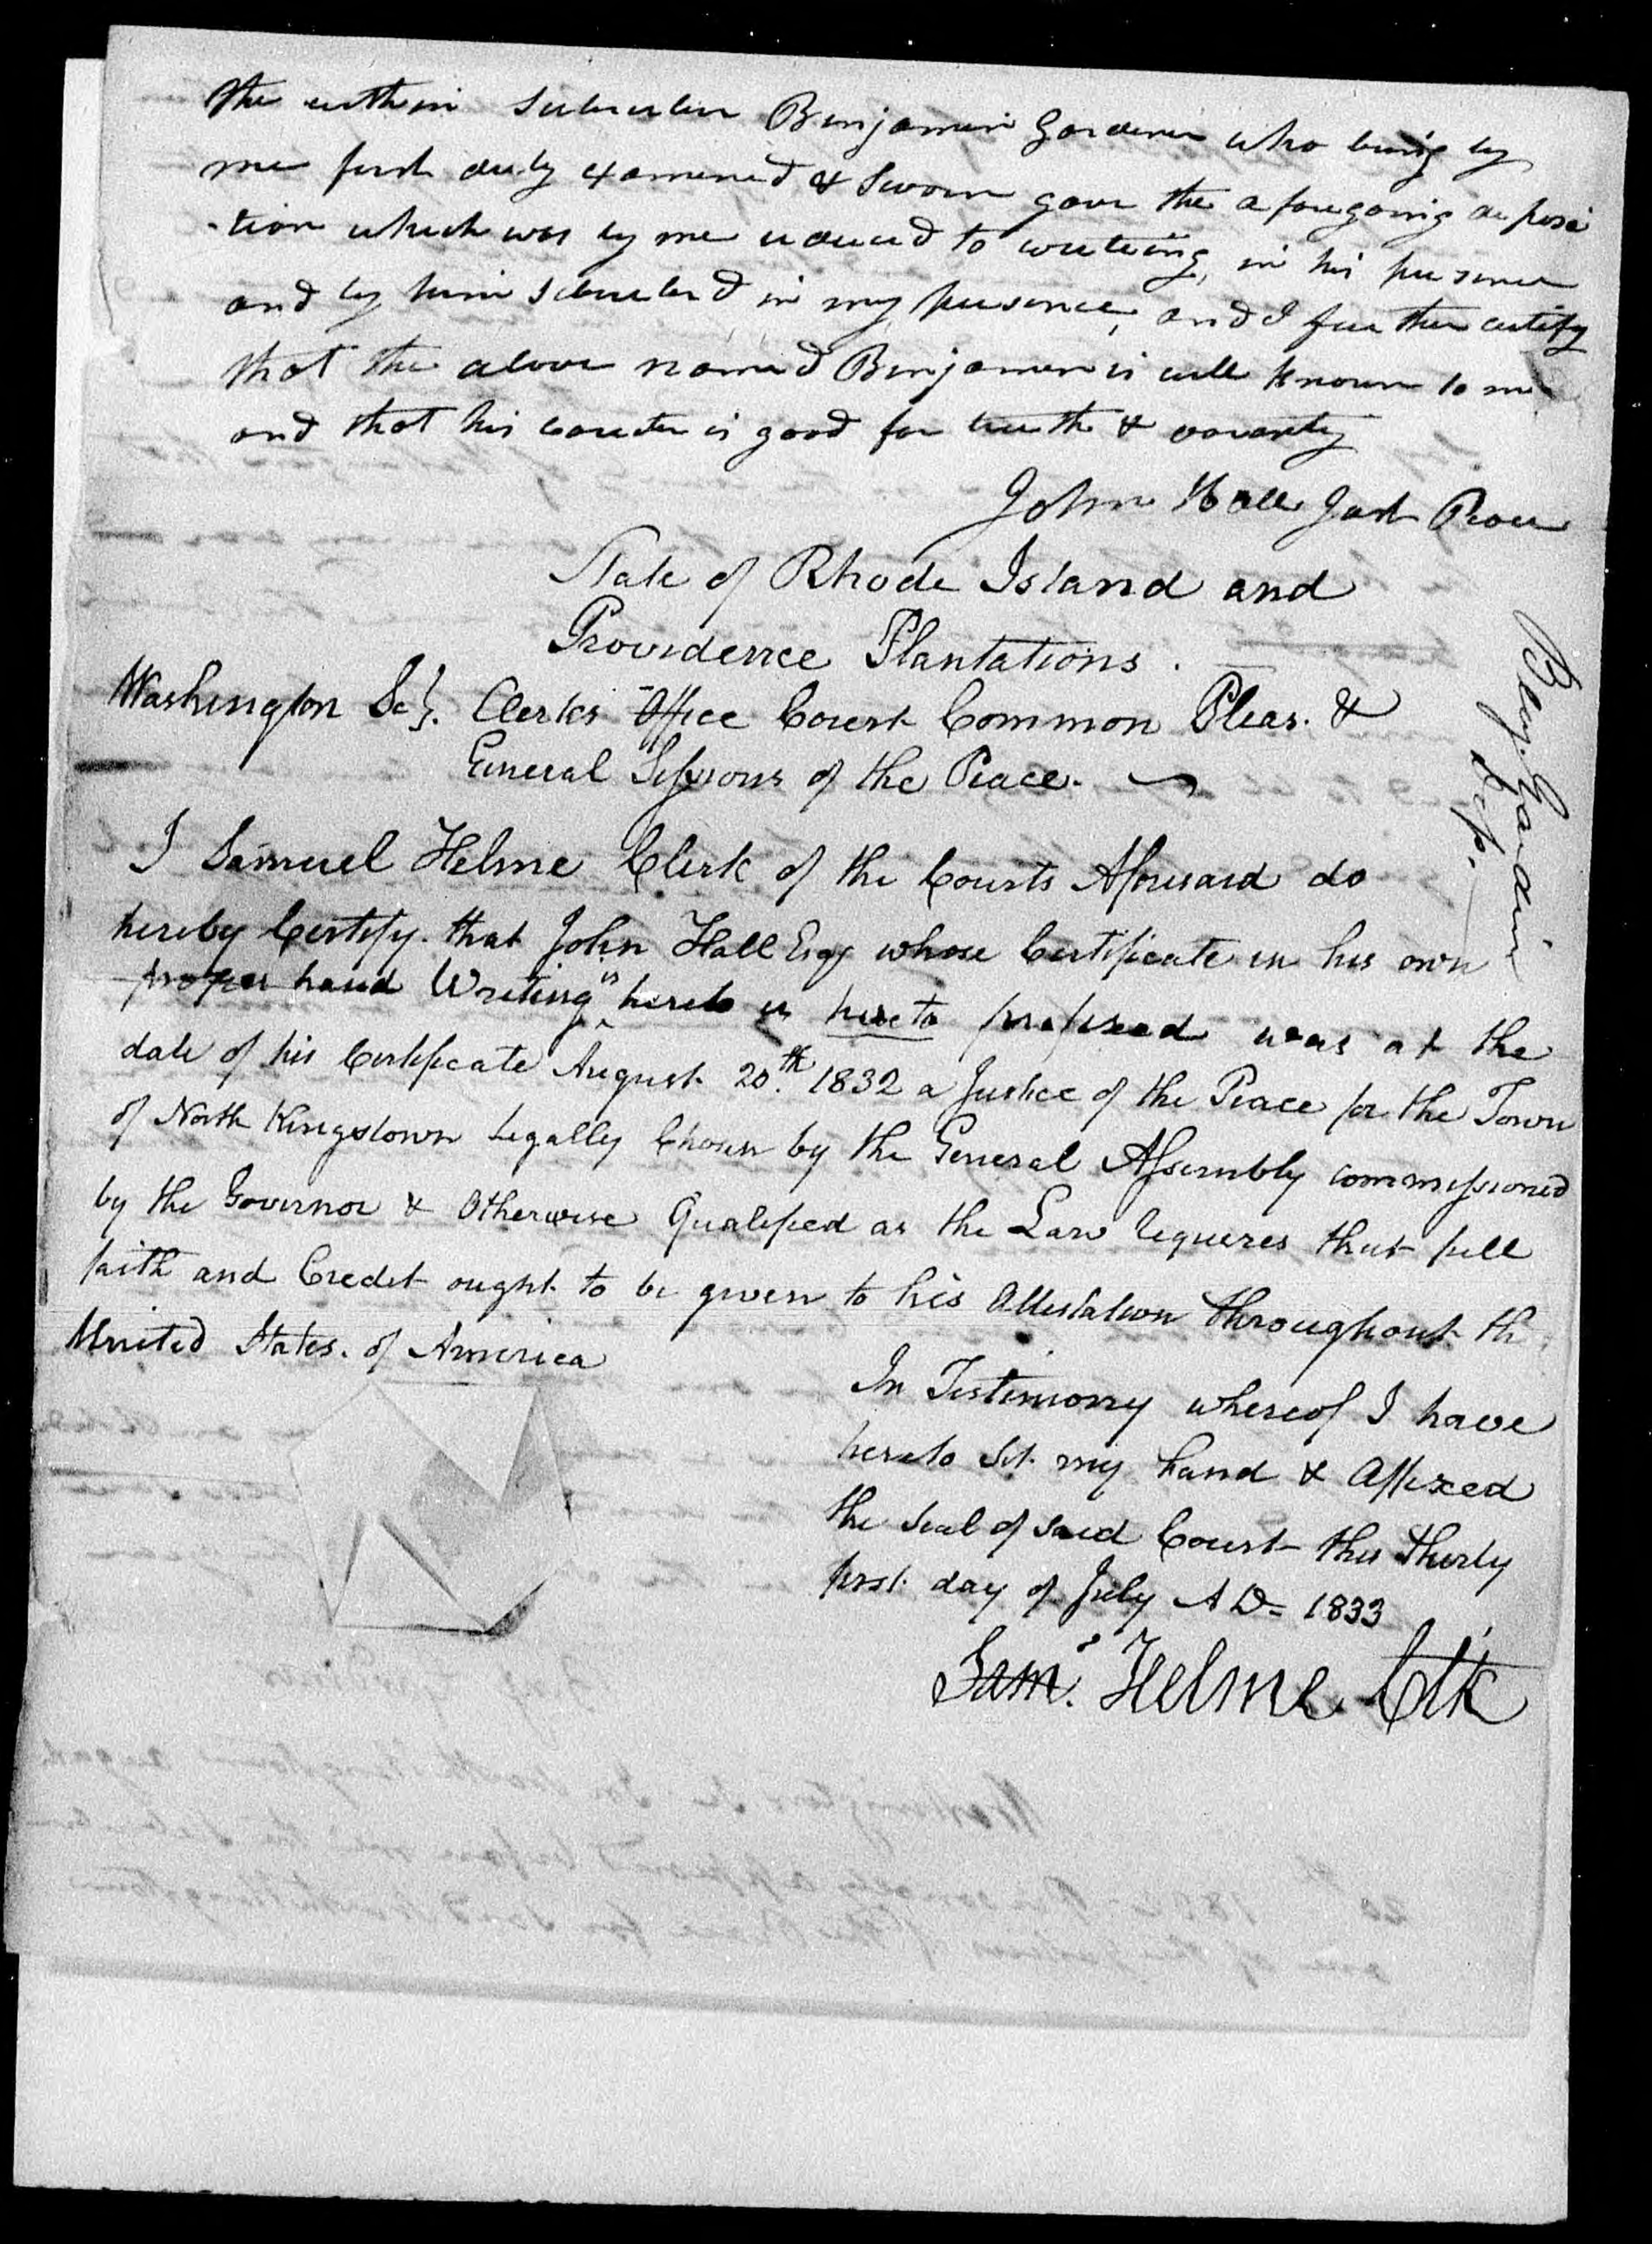The within subscriber Benjamin Gardiner who being by me first examined & swkorn gave the aforegoing exposition which was by me committed to writing in his name and by him (?) in my presence and I further certify that the above named Benjamin is well known to me and that his character is good for truth and veracity
John Hall  Just Peace

State of Rhode Island and 
Providence Plantations

Washington Co Clerks Office Court of Common Pleas & General Justice of the Peace

I Samuel Helme Clerk of the Courts Aforesaid do hereby Certify that John Hall Esq whose Certificate in his own proper hand Writing hereto professed was at the date of his Certificate August 20th 1832 a Justice of the Peace for the Town of North Kingstown legally chosen by the General Assembly commissioned by the Governor & otherwise qualified as the Law requires that full faith and credit might be given to his Attestation throughout the United States of America

In testimony whereof I have hereto set my hand & affixed the seal of said Court this thirty first day of July AD 1833

Sam. Helme  Clk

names: John Hall, Samuel Helme, Benj Gardiner, Benjamin Gardiner, Benjamin, John Hall, Sam Helme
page: 5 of 27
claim: survivor's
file: S. 21,245, David Greene, R.I.